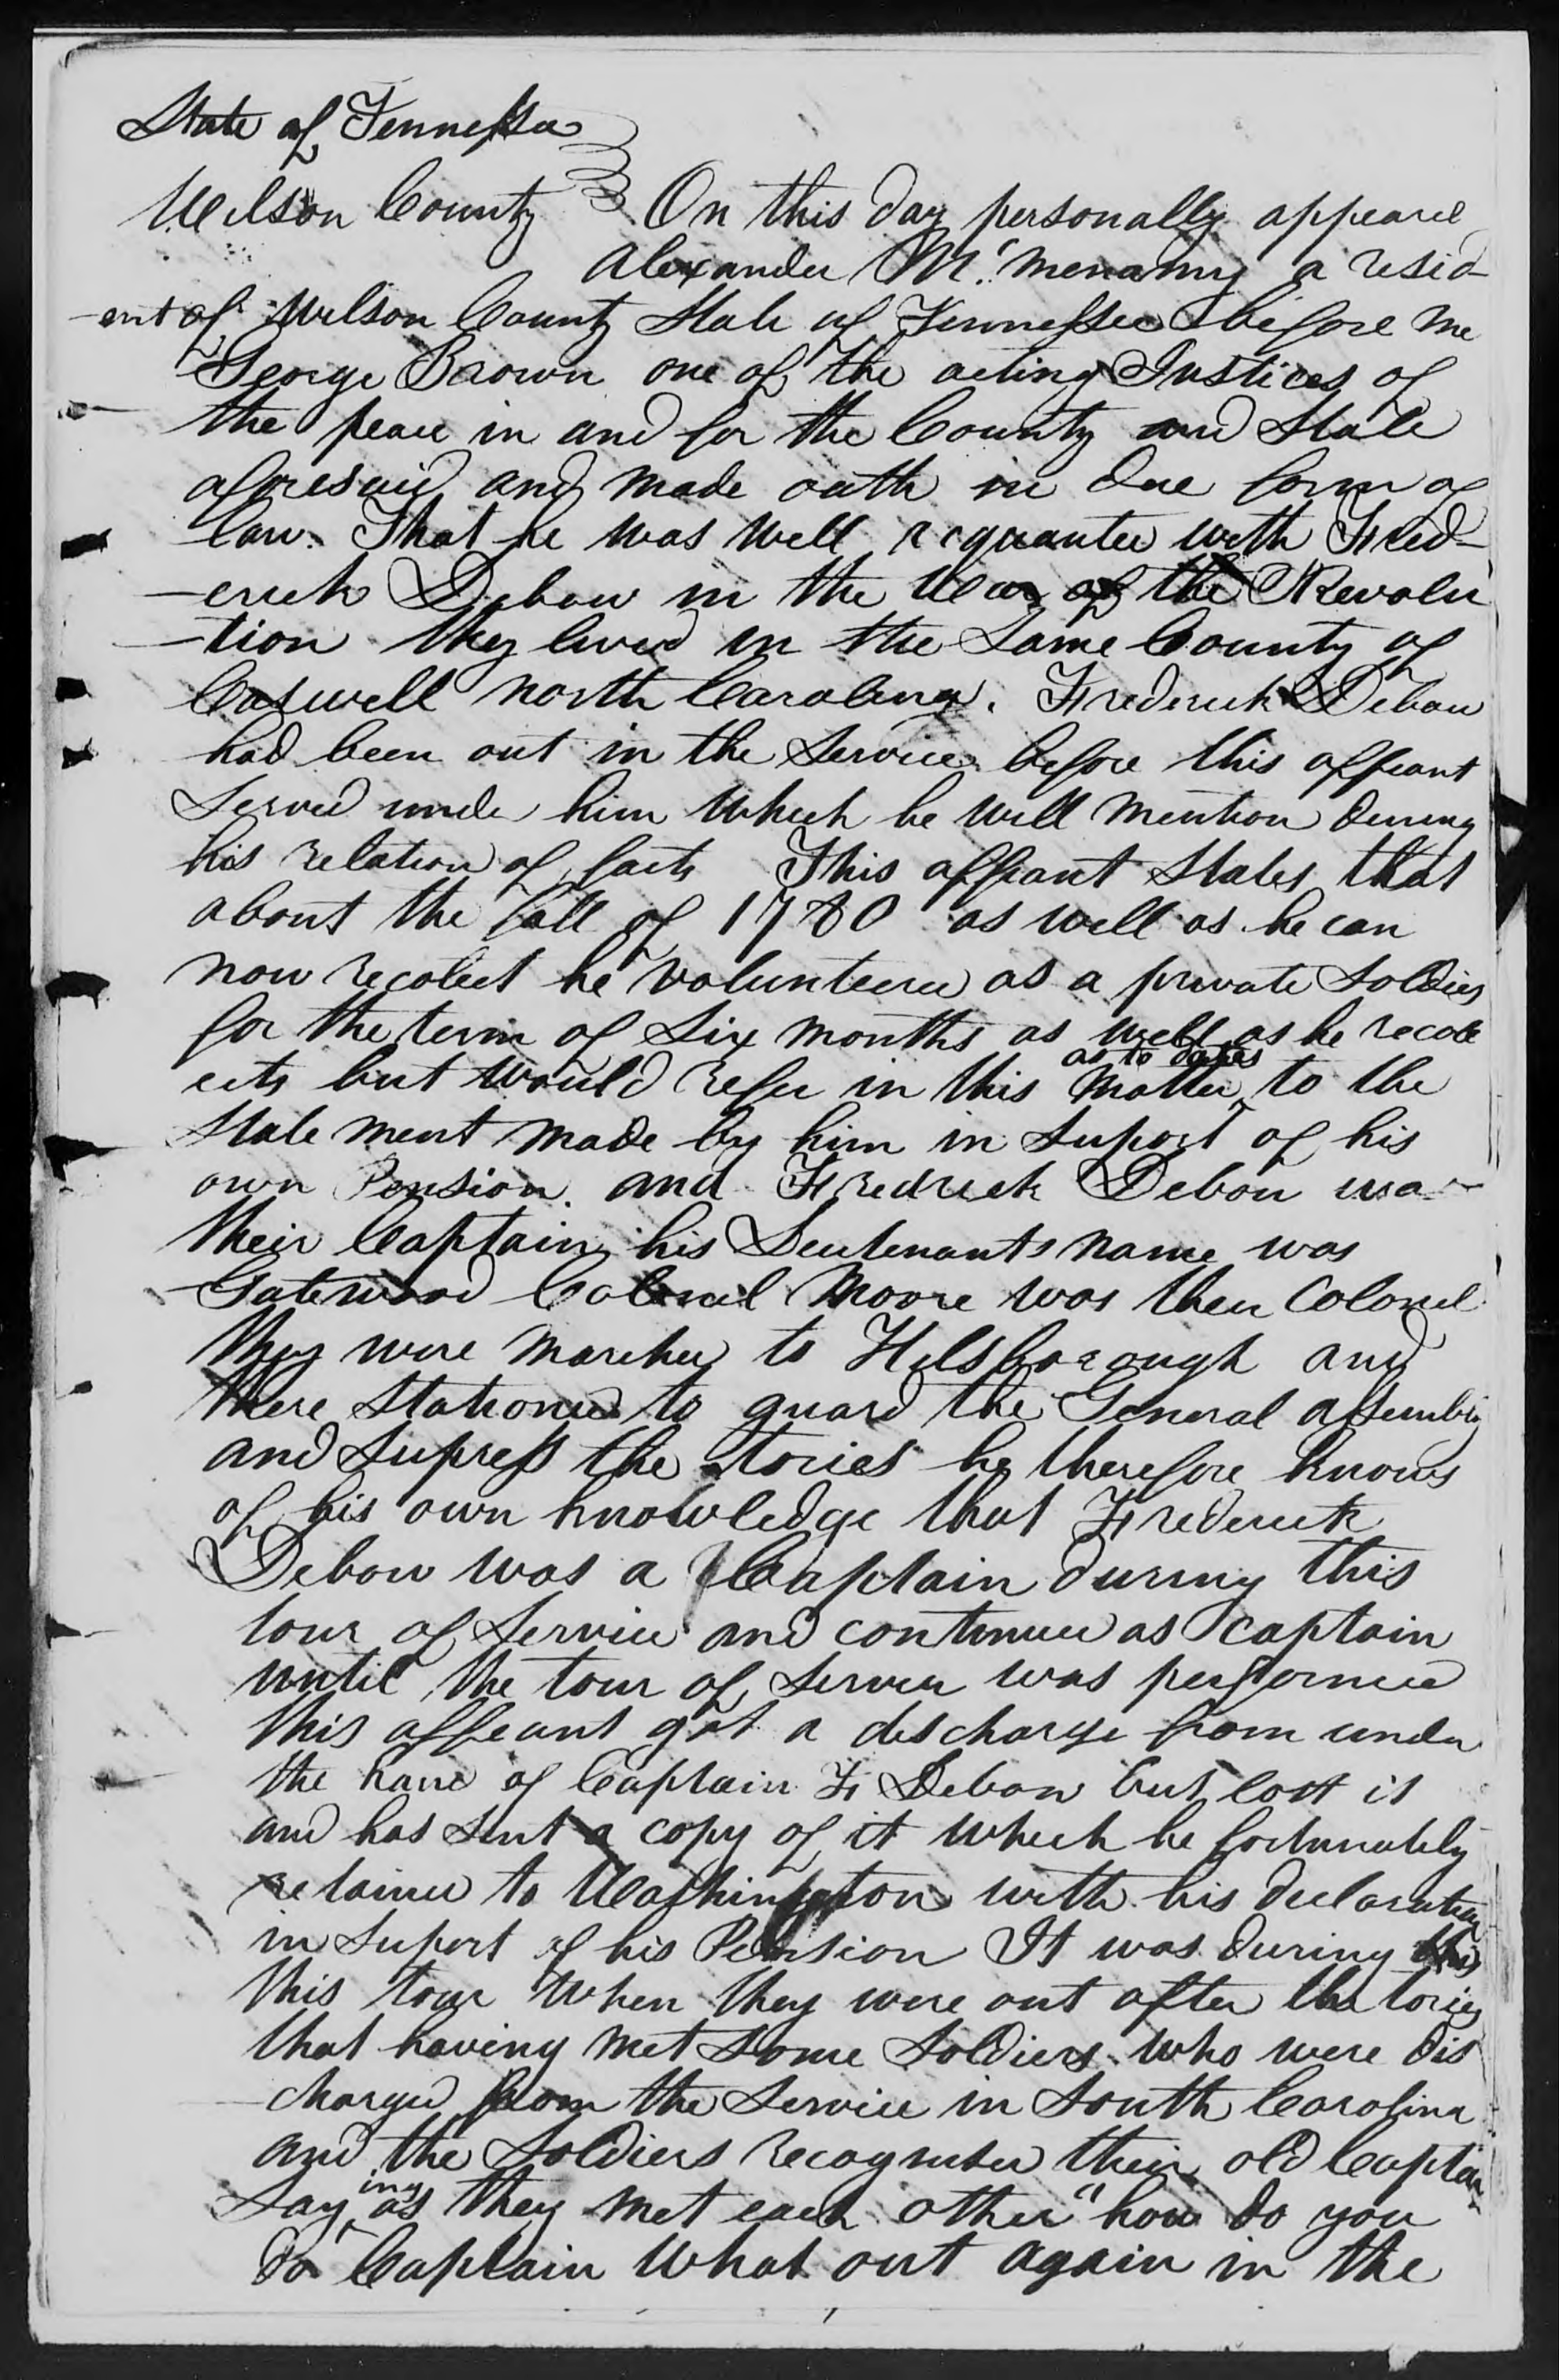State of Tennessee]
Wilson County}  On this day personally appeared Alexander McMenamy a resident of Wilson County State of Tennessee before me George Brown one of the acting Justices of the peace in and for the County and State of aforesaid and made oath in due form of law. That he was well acquainted with Fred-erick Debow in the War of the Revolu-tion. They loved in the same county of Caswell North Carolina. Frederick Debow had been out in the service before this affiant served under him which he will mention during his relation of facts. This affiant states that about the fall of 1780 as well as he can now recollect he volunteered as a private soldier for the term of six months as well as he recol lects but would refer in this matter [written above] as to 
To the statement made by him in support o his own pension and Frederick Debow was their Captain his Lieutenant name was Gatewood. Colonel Moore was then Colonel. They were marcher to Hillsborough and there state ones to guard the General assembly and support the tories by therefore honors of hois own knowledge that Federick Debow was a Captain during this tour of service and continues as Captain while the tour of service was performed. This affiant got a discharge from under the hand of Captain F Debow but lost it and has sent a copy of it which he fortunately reclaimed to Washington with this declaration in support of his pension. It was during [struck through] this tour when they were out after the tories that having met some soldiers who where dis charged from the service in South Carolina and the soldiers regarded their old Captain Say [insert sign] in and as they met each other “how do you” for Captain what out again in the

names: Fredrick Debow, Alexander Mc Menamy, Frederick Debow, George Brown, F Debow, Frederick Debow, Moore, Frederick Debow, Gatewood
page: 57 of 62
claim: widow's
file: W 7005, Frederick Debow, N.C.